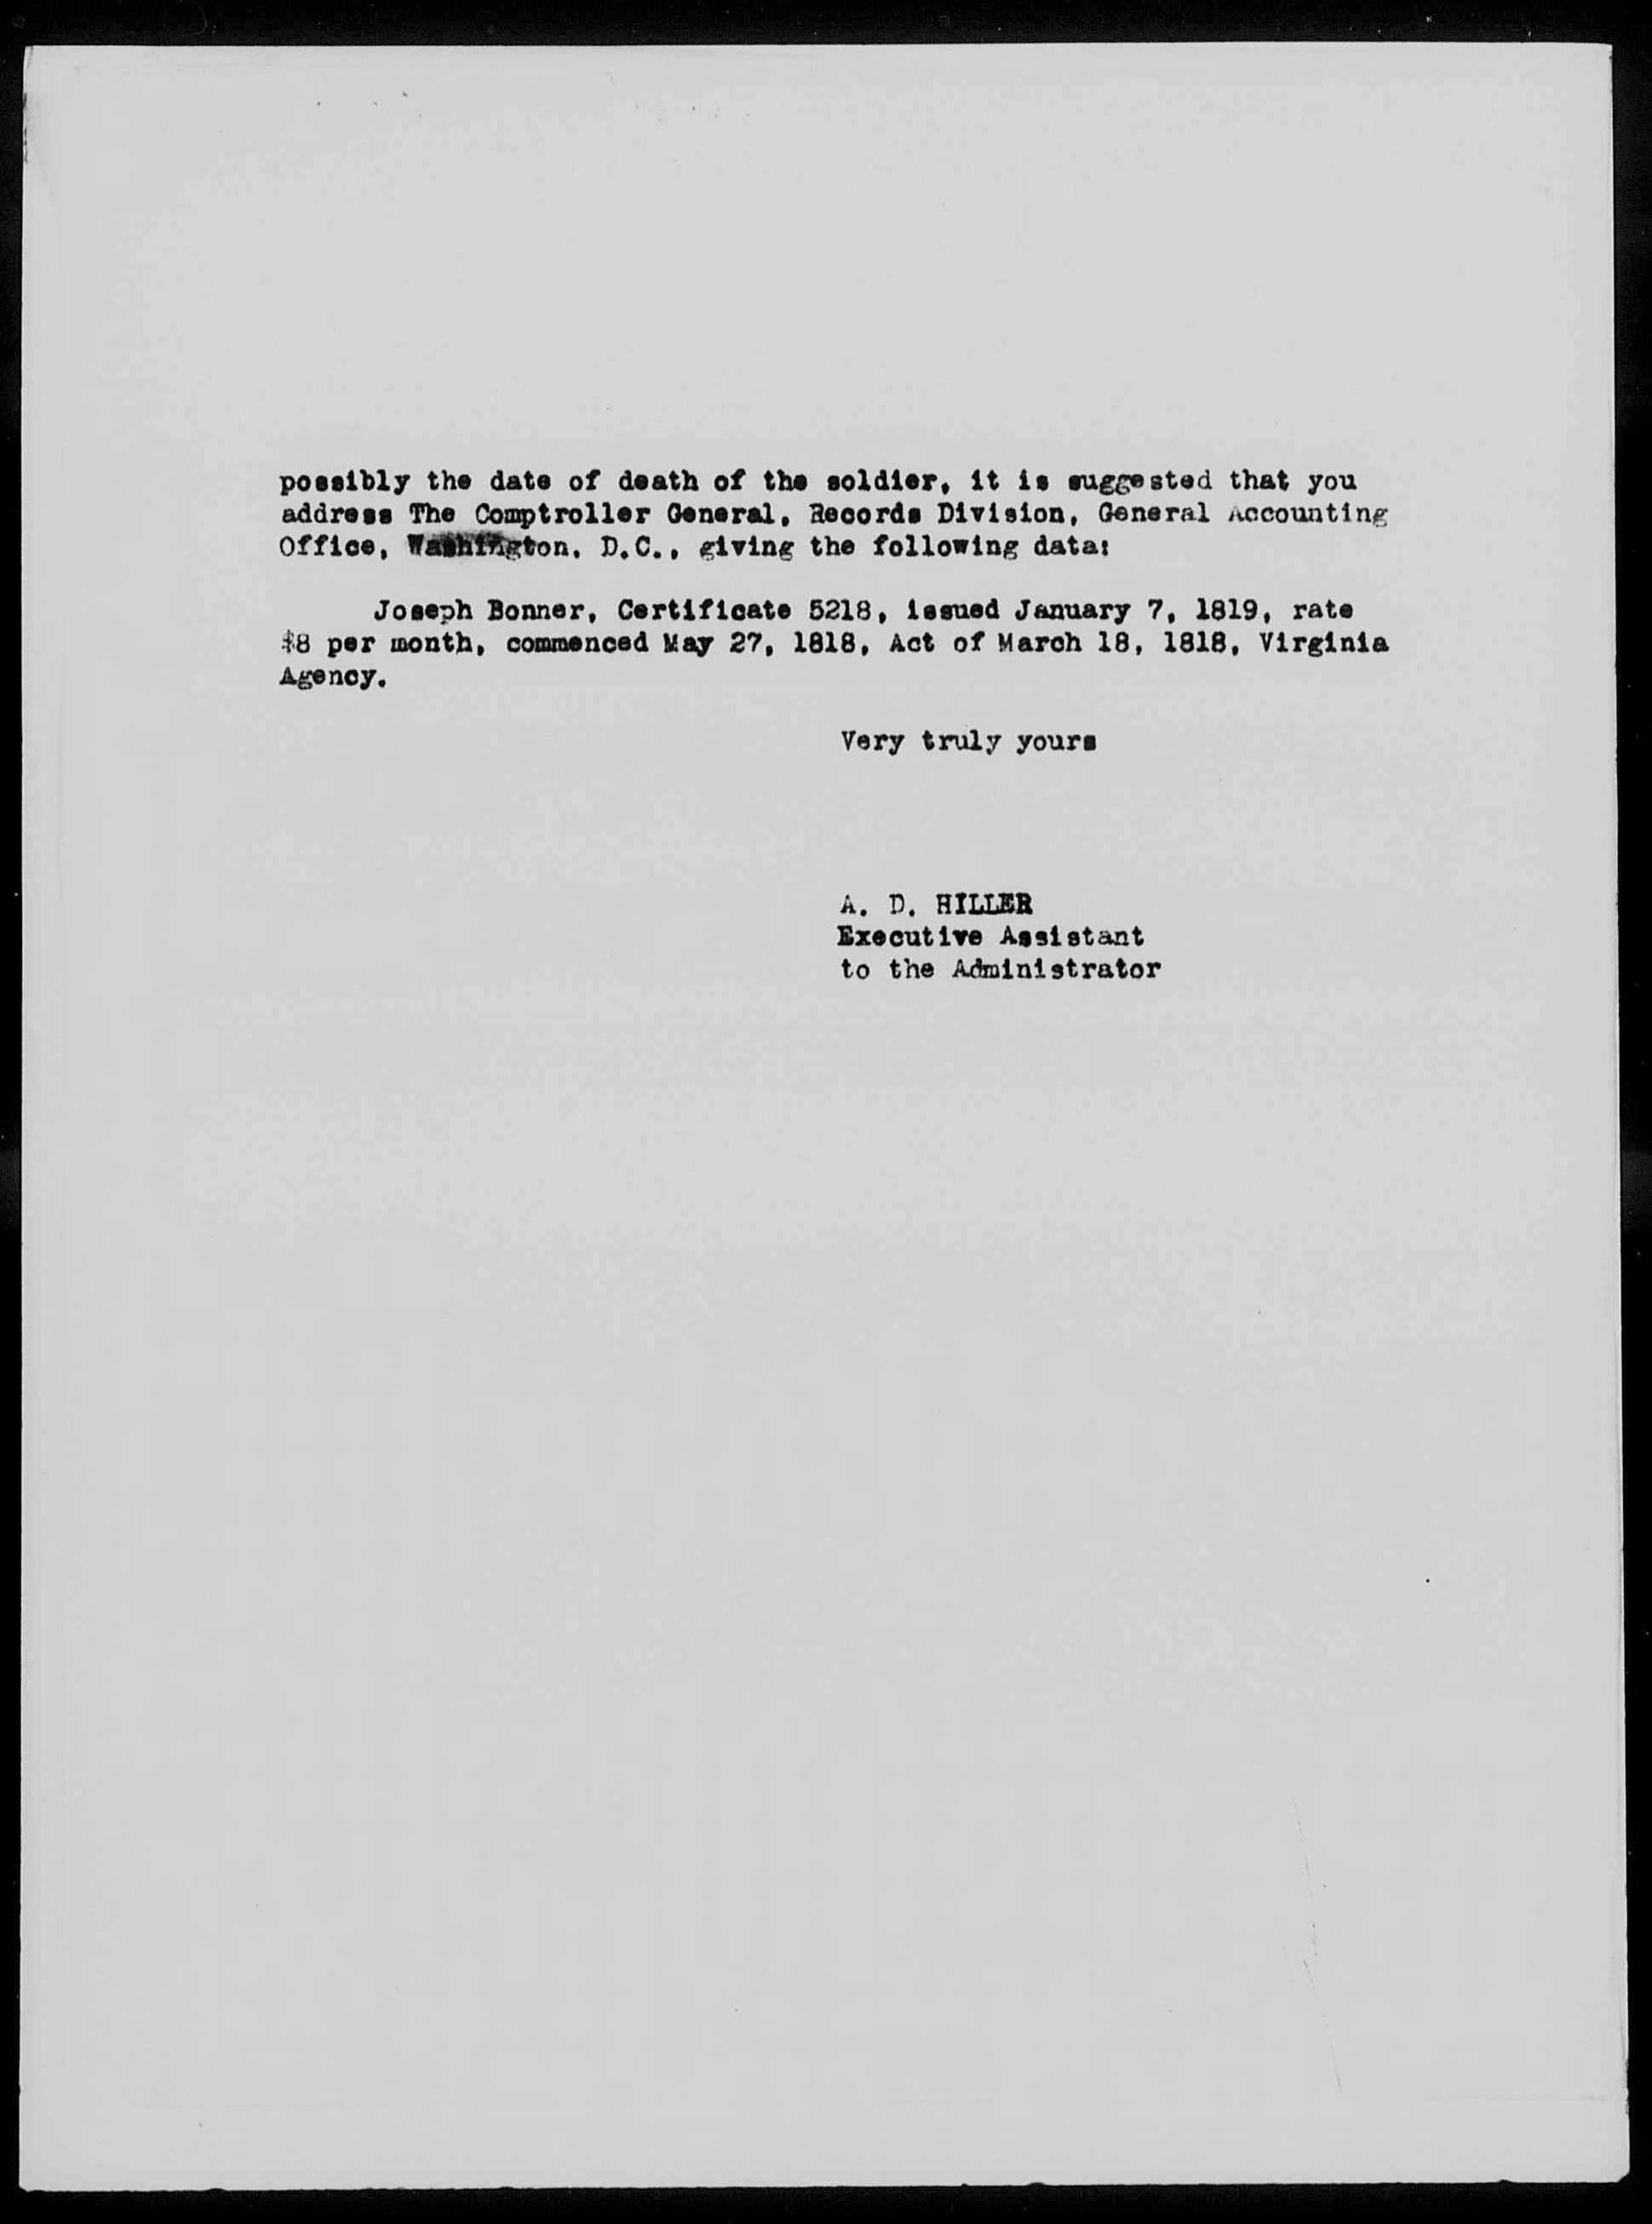possibly the date of death of the soldier, it is suggested that you
address The Comptroller General, Records Division, General Accounting
Office, Washington, D.C., giving the following data:
Joseph Bonner, Certificate 5218, issued January 7, 1819, rate $8 per month, commenced May 27, 1818, Act of March 18, 1818, Virginia Agency.

Very truly yours
A. D. HILLER
Executive Assistant
to the Administrator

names: A D Hiller, Joseph Bonner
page: 20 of 20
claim: survivor's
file: S. 40,021, Joseph Bonner, Penn.